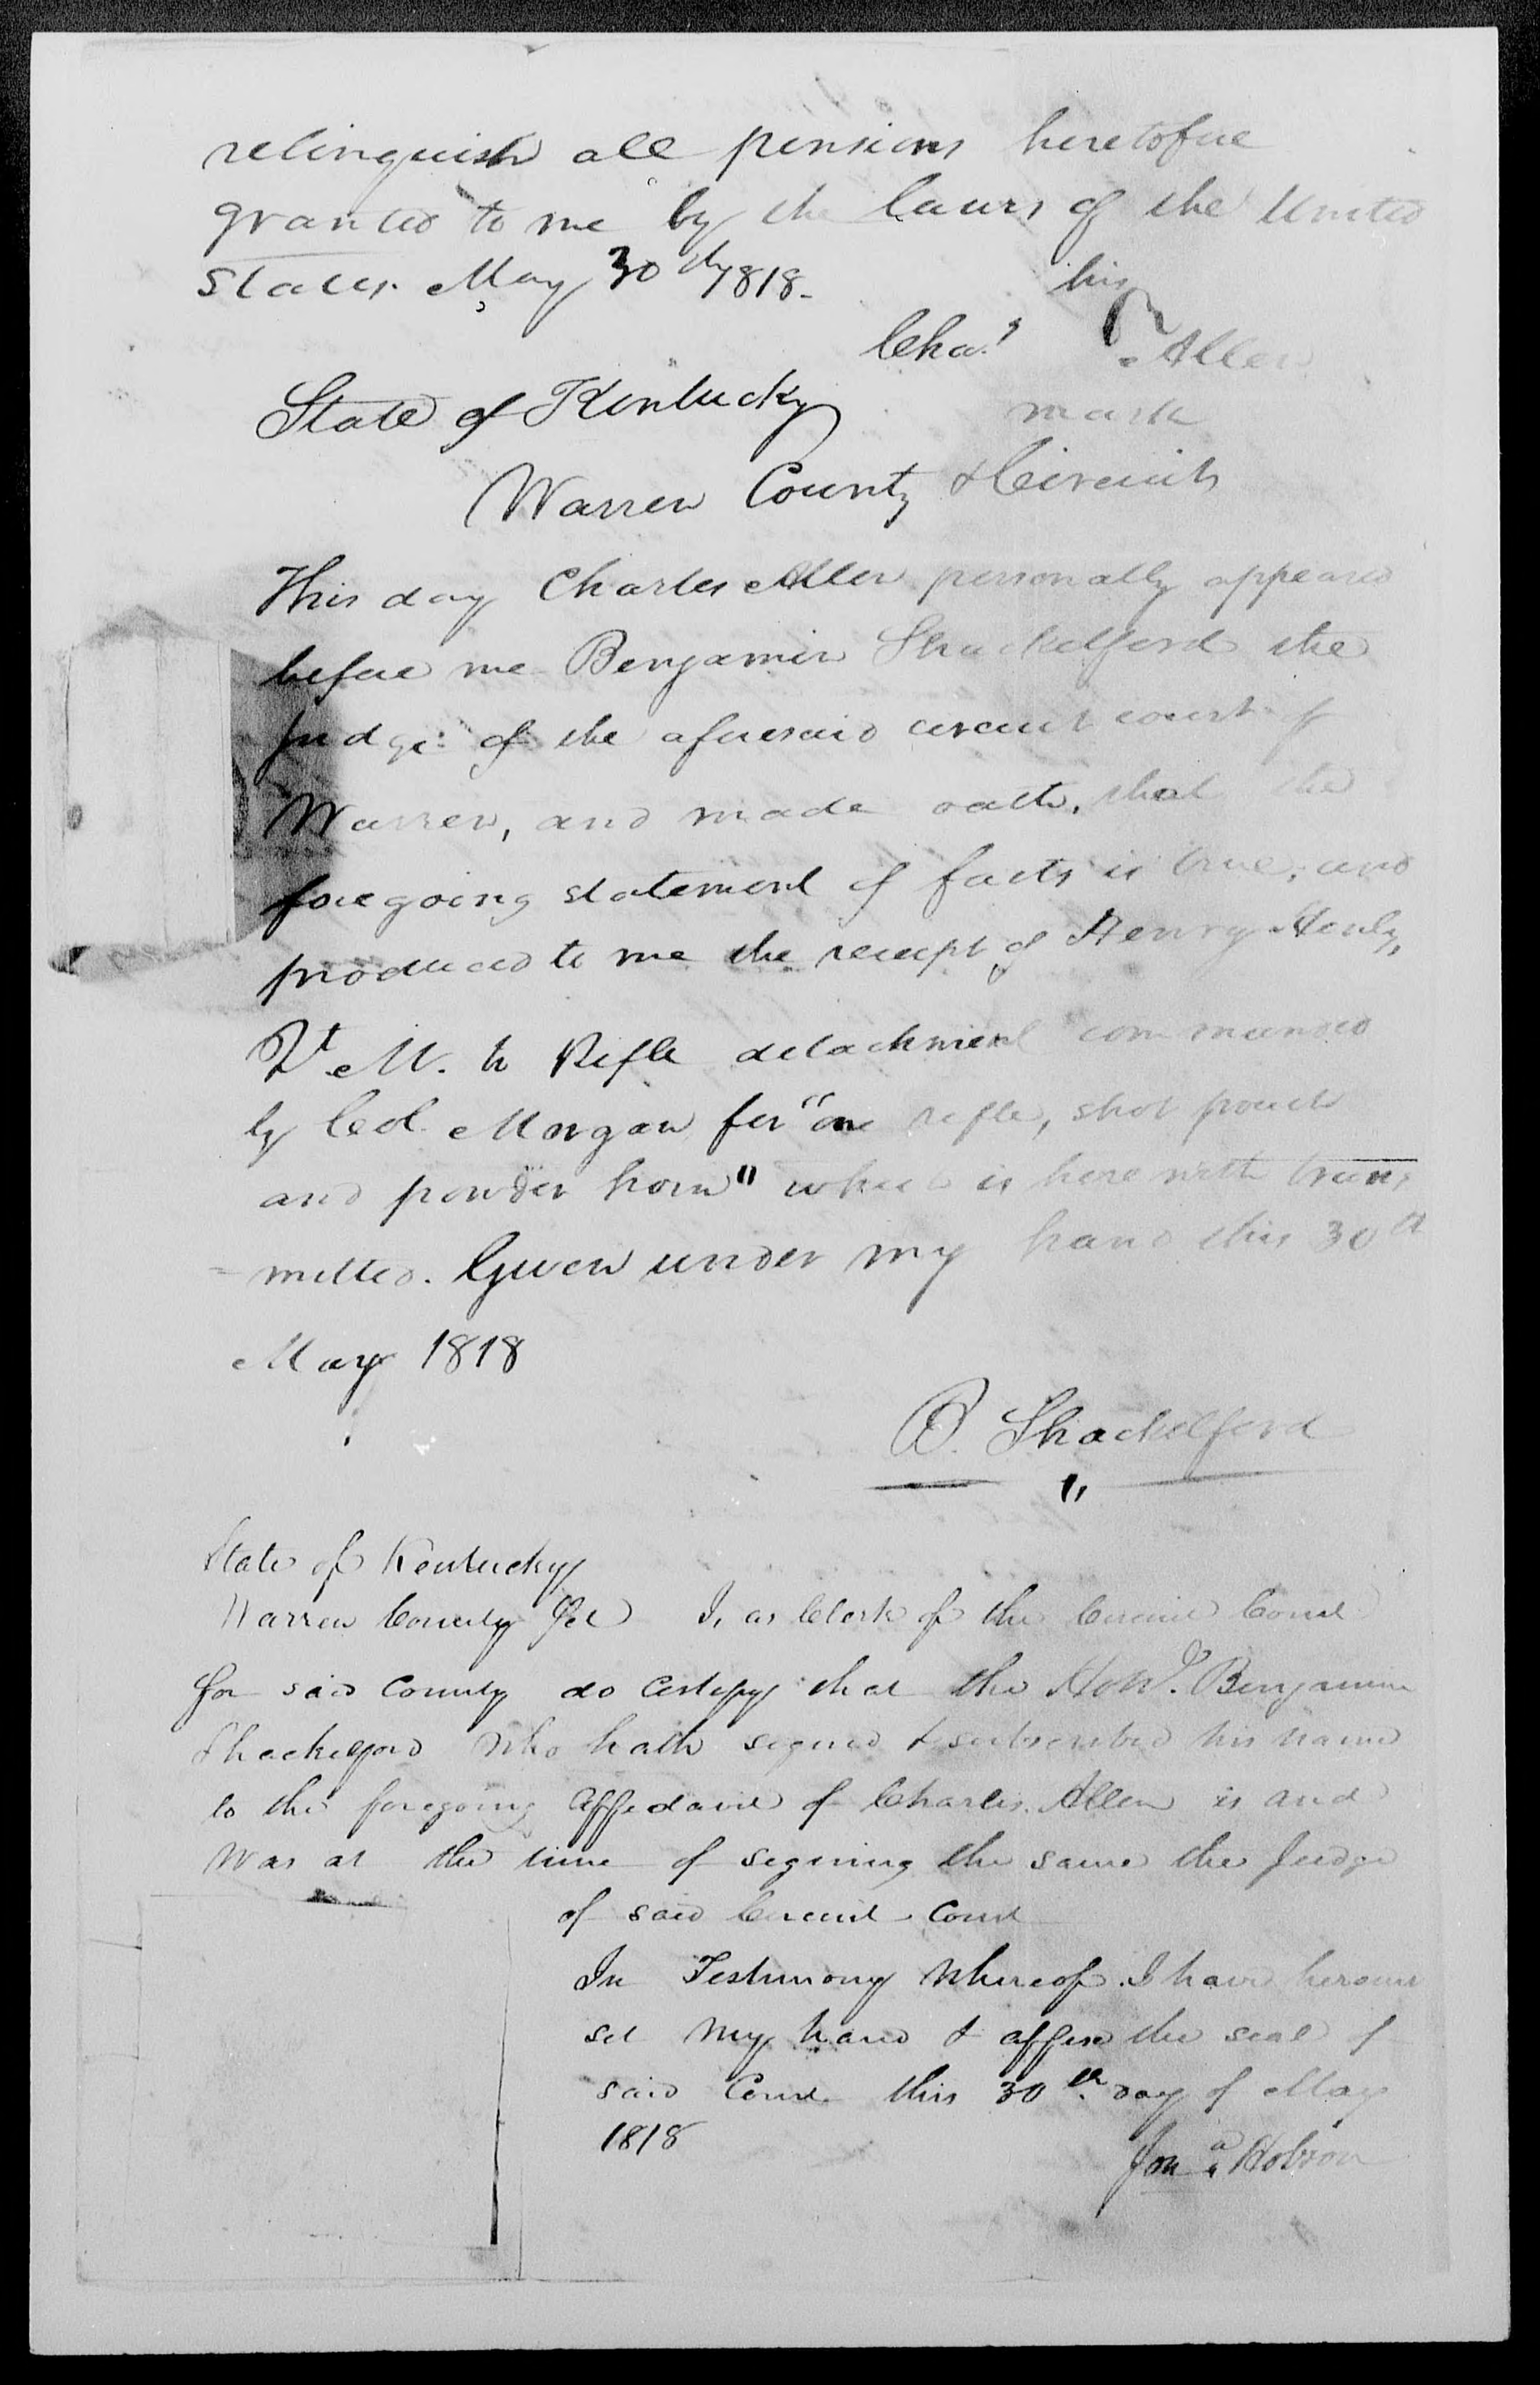relinquish all pensions heretofore granted to me by the laws of the United States May 30 1818.
Chas. Allen his mark R
State of Kentucky Warren County & Circuit
This day Charles Allen personally appeared before me Benjamin Shackelford the Judge of the aforesaid circuit court of Warren, and made oath, that the foregoing statement of facts is true, and produced to me the receipt of Henry Henly, Qt M. to Rifle detachment commanded by Col. Morgan for "one rifle, shot pouch and powder horn" which is herewith transmitted. Given under my hand this 30th May 1818
B. Shackelford
State of Kentucky Warren County sct
I, as Clerk of the Circuit Court for said County do Certify that the Honl. Benjamin Shackelford who hath signed & subscribed his name to the foregoing affidavit of Charles Allen is and was at the time of signing the same the Judge of said Circuit Court
In Testimony whereof I have hereunto set my hand & affix the seal of said Court this 30th day of May 1818
Jona. Hobson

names: Chas R Allen, Morgan, Jona Hobson, Henry Henly, Benjamin Shackelford, B Shackelford, Benjamin Shackelford, Charles Allen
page: 6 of 22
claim: survivor's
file: S. 36399, Charles Allen, Va.